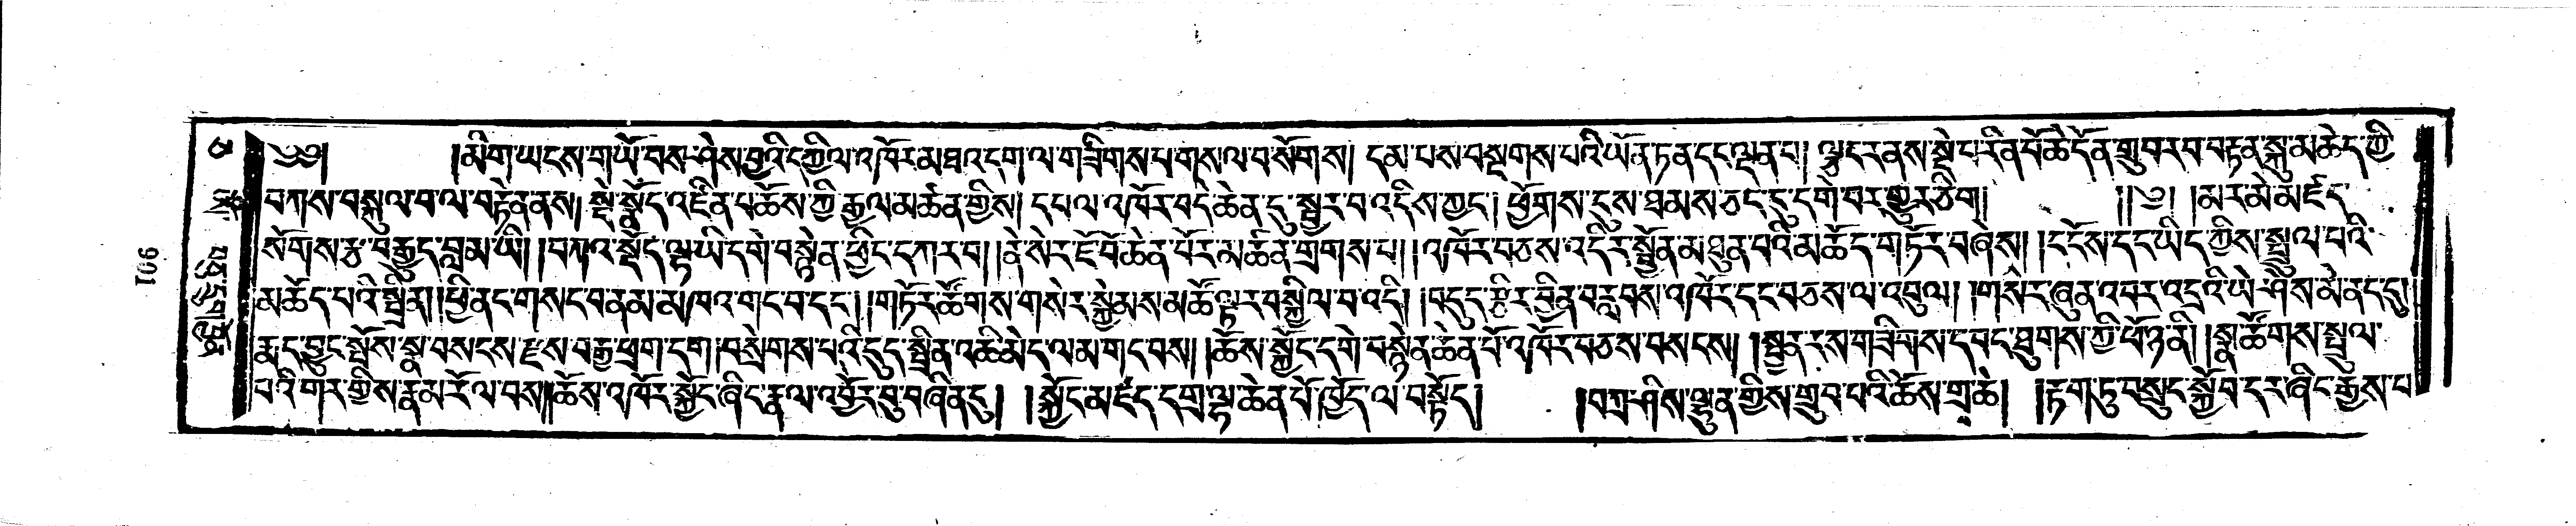༄༅། །མིག་ཡངས་གཡོ་བས་ཤེས་བྱའི་དཀྱིལ་འཁོར་མཐའ་དག་ལ་གཟིགས་པ་གསལ་བ་སོགས། དམ་པས་བསྔགས་པའི་ཡོན་ཏན་དང་ལྡན་པ། ལྕང་ར་ནས་སྡེ་པ་རིན་པོ་ཆེ་དོན་གྲུབ་རབ་བརྟན་སྐུ་མཆེད་ཀྱི་
བཀས་བསྐུལ་བ་ལ་བརྟེན་ནས། སྡེ་སྣོད་འཛིན་པ་ཆོས་ཀྱི་རྒྱལ་མཚན་གྱིས། དཔལ་འཁོར་བདེ་ཆེན་དུ་སྦྱར་བ་འདིས་ཀྱང་། ཕྱོགས་དུས་ཐམས་ཅད་དུ་དགེ་བར་གྱུར་ཅིག ། །།༄༅། །མར་མེ་མཛད་
སོགས་རྩ་བརྒྱུད་བླ་མ་ཡི། །བཀའ་སྡོད་ལྷ་ཡི་དགེ་བསྙེན་ཕྱིང་དཀར་བ། །ནེ་སེར་ཇོ་བོ་ཆེན་པོར་མཚན་གྲགས་པ། །འཁོར་བཅས་འདིར་སྤྱོན་མཐུན་པའི་མཆོད་གཏོར་བཞེས། །དངོས་དང་ཡིད་ཀྱིས་སྤྲུལ་པའི་
མཆོད་པའི་སྤྲིན། །ཕྱི་ནང་གསང་བ་ནམ་མཁའ་གང་བ་དང་། །གཏོར་ཚོགས་གསེར་སྐྱེམས་མཚོ་ལྟར་བསྐྱིལ་བ་འདི། །བདུད་རྩིར་བྱིན་བརླབས་འཁོར་དང་བཅས་ལ་འབུལ། །གསེར་ཞུན་འབར་འདྲའི་ཡེ་ཤེས་མེ་ནང་དུ།།
རྨད་བྱུང་སྤྲོས་སྣ་བསངས་རྫས་བརྒྱ་ཕྲག་དག །བསྲེགས་པའི་དུད་སྤྲིན་འཆི་མེད་ལམ་གང་བས། །ཆོས་སྐྱོང་དགེ་བསྙེན་ཆེན་པོ་འཁོར་བཅས་བསངས། །སྤྱན་རས་གཟིགས་དབང་ཐུགས་ཀྱི་ཕོ་ཉ་ནི། །སྣ་ཚོགས་སྤྲུལ་
པའི་གར་གྱིས་རྣམ་རོལ་བས། །ཆོས་འཁོར་སྐྱོང་ཞིང་རྣལ་འབྱོར་བུ་བཞིན་དུ། །སྐྱོང་མཛད་དགྲ་ལྷ་ཆེན་པོ་ཁྱོད་ལ་བསྟོད། །བཀྲ་ཤིས་ལྷུན་གྱིས་གྲུབ་པའི་ཆོས་གྲྭ་ཆེ། །རྟག་ཏུ་བསྲུང་སྐྱོབ་དར་ཞིང་རྒྱས་པ་